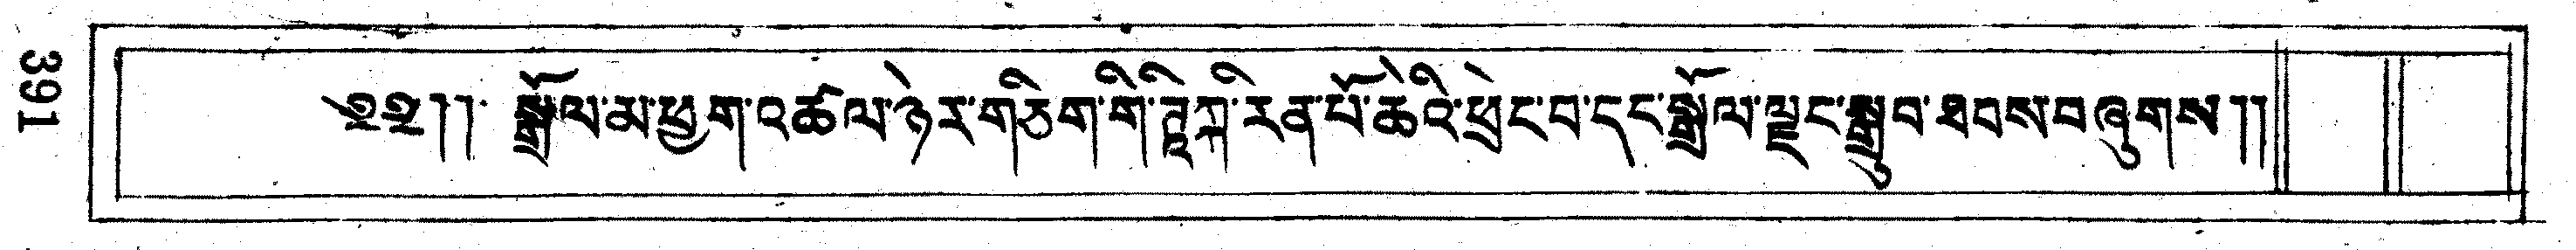༄༅། །སྒྲོལ་མ་ཕྱག་འཚལ་ཉེར་གཅིག་གི་ཊཱིཀྐ་རིན་པོ་ཆེའི་ཕྲེང་བ་དང་སྒྲོལ་ལྗང་སྒྲུབ་ཐབས་བཞུགས།།